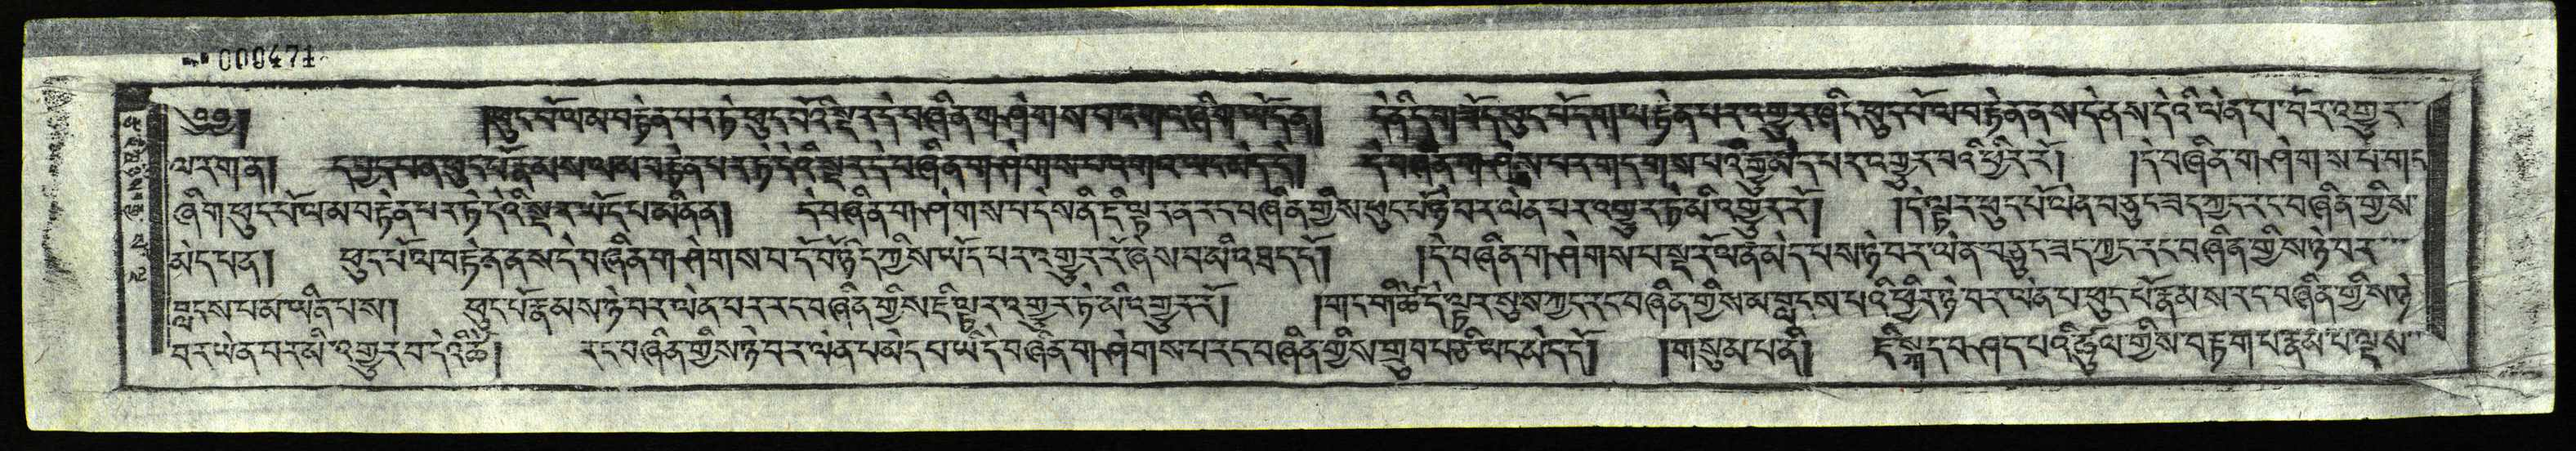༄༅། །ཕུང་པོ་ལ་མ་བརྟེན་པར་ཏེ་ཕུང་པོའི་སྔར་དེ་བཞིན་གཤེགས་པ་འགའ་ཞིག་ཡོད་ན། དེ་ནི་དག་ཟོད་ཕུང་པོ་དག་ལ་རྟེན་པར་འགྱུར་ཞིང་ཕུང་པོ་ལ་བརྟེན་ནས་དེ་ནས་དེའི་ལེན་པ་བོར་འགྱུར་
ལ་རག་ན། དཔྱད་པ་ན་ཕུང་པོ་རྣམས་ལ་མ་བརྟེན་པར་ཏེ་དེའི་སྔར་དེ་བཞིན་གཤེགས་པ་འགའ་ཡང་མེད་དེ། དེ་བཞིན་གཤེགས་པར་གདགས་པའི་རྒྱུ་མེད་པར་འགྱུར་བའི་ཕྱིར་རོ། །དེ་བཞིན་གཤེགས་པ་གང་
ཞིག་ཕུང་པོ་ལ་མ་བརྟེན་པར་ཏེ་དེའི་སྔར་ཡོད་པ་མིན་ན། དེ་བཞིན་གཤེགས་པ་དེས་ནི་ཇི་ལྟར་ན་རང་བཞིན་གྱིས་ཕུང་པོ་ཉེ་བར་ལེན་པར་འགྱུར་ཏེ་མི་འགྱུར་རོ། །དེ་ལྟར་ཕུང་པོ་ལེན་བ་ཅུང་ཟད་ཀྱང་རང་བཞིན་གྱིས་
མེད་པ་ན། ཕུང་པོ་ལ་བརྟེན་ནས་དེ་བཞིན་གཤེགས་པ་ངོ་བོ་ཉིད་ཀྱིས་ཡོད་པར་འགྱུར་རོ་ཞེས་པ་མི་འཐད་དོ། །དེ་བཞིན་གཤེགས་པ་སྔ་རོལ་ན་མེད་པས་ཉེ་བར་ལེན་བ་ཅུང་ཟད་ཀྱང་རང་བཞིན་གྱིས་ཉེ་བར་
བླངས་པ་མ་ཡིན་པས། ཕུང་པོ་རྣམས་ཉེ་བར་ལེན་པར་རང་བཞིན་གྱིས་ཇི་ལྟར་འགྱུར་ཏེ་མི་འགྱུར་རོ། །གང་གི་ཚེ་དེ་ལྟར་སུས་ཀྱང་རང་བཞིན་གྱིས་མ་བླངས་པའི་ཕྱིར་ཉེ་བར་ལེན་པ་ཕུང་པོ་རྣམས་རང་བཞིན་གྱིས་ཉེ་
བར་ལེན་པར་མི་འགྱུར་བ་དེའི་ཚེ། རང་བཞིན་གྱིས་ཉེ་བར་ལེན་པ་མེད་པ་ཡི་དེ་བཞིན་གཤེགས་པ་རང་བཞིན་གྱིས་གྲུབ་པ་ཅི་ཡང་མེད་དོ། །གསུམ་པ་ནི། ཇི་སྐད་བཤད་པའི་ཚུལ་གྱིས་བརྟག་པ་རྣམ་པ་ལྔས་